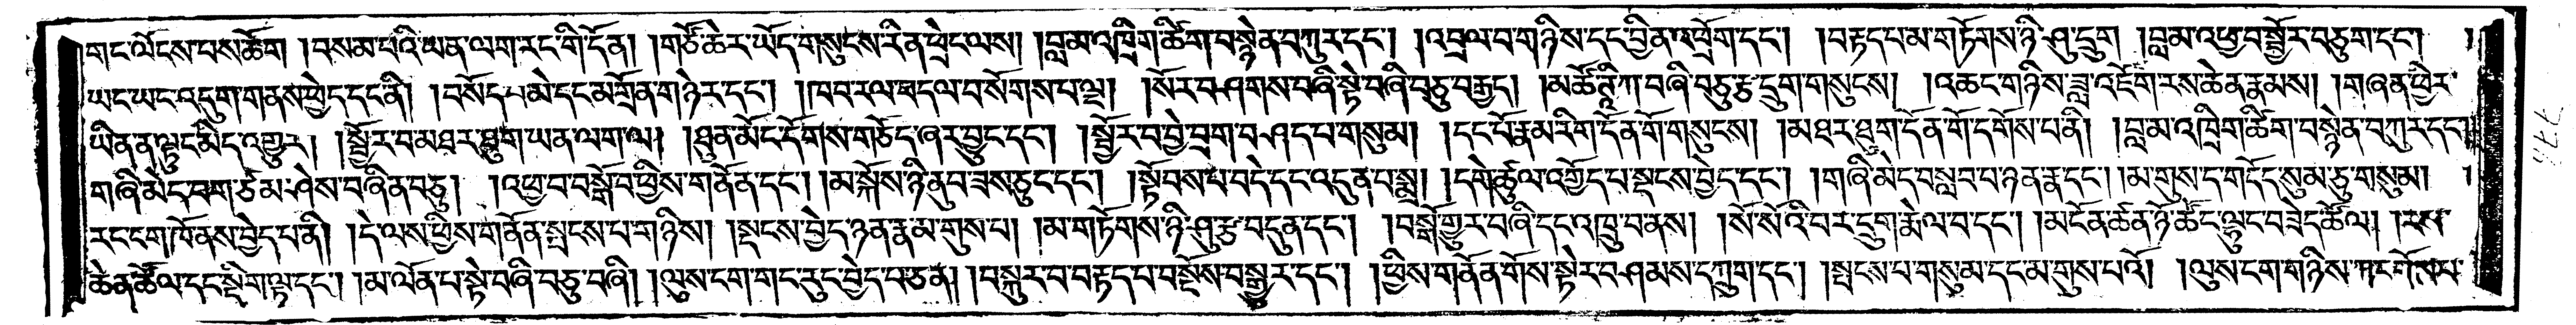གང་ལངས་བས་ཆོག །བསམ་པའི་ཡན་ལག་རང་གི་དོན། །གཙོ་ཆེར་ཡོད་གསུངས་རིན་ཕྲེང་ལས། །བླ་མ་འཁྲིག་ཚིག་བསྙེན་བཀུར་དང་། །འབྲལ་བ་གཉིས་དང་བྱིན་འཕྲོག་དང་། །བརྟད་པ་མ་གཏོགས་ཉི་ཤུ་དྲུག །བླ་མ་འཕྱ་བ་སྦྱོར་བཅུག་དང་།
ཡང་ཡང་འདུག་གནས་ཕྱེད་དང་ནི། །བསོད་པ་མེ་དང་མགྲོན་གཉེར་དང་། །ཁ་བ་རལ་བདལ་བ་སོགས་པ་ལྔ། །སོར་བཤེགས་བཞི་སྟེ་བཞི་བཅུ་བརྒྱད། །མཚོ་ཊཱིཀ་བཞི་བཅུ་རྩ་དྲུག་གསུངས། །འཆང་གཉིས་ཟླ་འཇོག་རས་ཆེན་རྣམས། །གཞན་ཕྱིར་
ཡིན་ན་ལྟུང་མེད་འགྱུར། །སྦྱོར་བ་མཐར་ཐུག་ཡན་ལག་ལ། །ཐུན་མོང་དོགས་གཅོད་ཞར་བྱུང་དང་། །སྦྱོར་བ་བྱེ་བྲག་བཤད་པ་གསུམ། །དང་པོ་རྣམ་རིག་དོན་གོ་གསུངས། །མཐར་ཐུག་དོན་གོ་དགོས་བ་ནི། །བླ་མ་འཁྲིག་ཚིག་བསྙེན་བཀུར་དང་
གཞི་མེད་བག་ཙམ་ཤེས་བཞིན་བཅུ། །འཕྱ་བ་བསྒོབ་ཕྱིས་གནོན་དང་། །མ་སྐོས་ཉི་ནུ་བཟས་ཅུང་དང་། །སྟོབས་པ་བདེ་དང་འདུན་བསྨྲ། །དགེ་ཚུལ་འགྱོད་པ་སྡངས་བྱེད་དང་། །གཞི་མེད་བསླབ་པ་ཉན་རྣ་དང་། །མ་གུས་ད་གདོད་སུམ་ཅུ་གསུམ།
རང་ངག་ཁོ་ནས་བྱེད་བ་ནི། །དེ་ལས་ཕྱིས་གནོན་སྤངས་པ་གཉིས། །སྡངས་བྱེད་ཉན་རྣམ་གུས་པ། །མ་གཏོགས་ཉི་ཤུ་རྩ་བདུན་དང་། །བསྒོ་གྱུར་བཞི་དང་འཁྲུ་བ་ནས། །སོ་སོའི་བར་དྲུག་རྣེལ་བ་དང་། །མངོན་ཚན་ཉོ་ཚང་ལྷུང་བཟེད་ཚོལ། །རས་
ཅེན་ཚོལ་དང་སྡིག་ལྟ་དང་། །མ་ལོན་པ་སྟེ་བཞི་བཅུ་བཞི། །ལུས་ངག་གང་རུང་བྱེད་པ་ཅན། །བསྐུར་བ་བརྟད་པ་བསྔོས་བསྒྱུར་དང་། །ཕྱིས་གནོན་གོས་སྟེར་བཤམས་དཀྲུག་དང་། །སྤངས་པ་གསུམ་དང་མ་གུས་པའོ། །ལུས་ངག་གཉིས་ཀ་དགོས་པ་